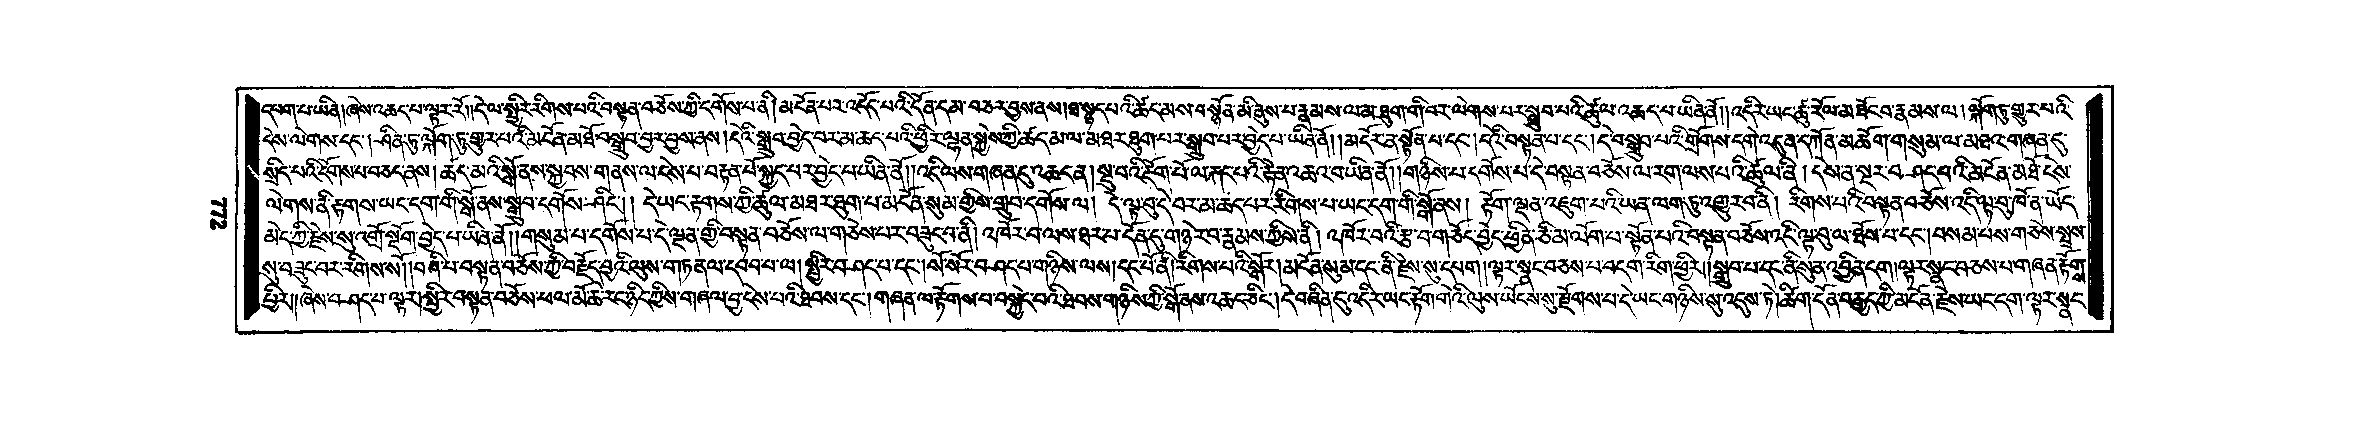དཔག་པ་ཡིན། ཞེས་འཆད་པ་ལྟར་རོ། །དེ་ལ་སྤྱིར་རིགས་པའི་བསྟན་བཅོས་ཀྱི་དགོས་པ་ནི། མངོན་པར་འདོད་པའི་དོན་དམ་བཅར་བྱས་ནས། ཐ་སྙད་པའི་ཚད་མས་བསྙོན་མི་ནུས་པ་རྣམས་ལ་མ་ཐུག་གི་བར་ལེགས་པར་སྒྲུབ་པའི་ཚུལ་འཆད་པ་ཡིན་ནོ། །འདིར་ཡང་ཚུ་རོལ་མཐོང་བ་རྣམས་ལ། ལྐོག་ཏུ་གྱུར་པའི་
ངེས་ལེགས་དང་། ཤིན་ཏུ་ལྐོག་ཏུ་གྱུར་པའི་མངོན་མཐོ་བསྒྲུབ་བྱར་བྱས་ནས། དེའི་སྒྲུབ་བྱེད་བར་མ་ཆད་པའི་ཕྱིར་ལྷན་སྐྱེས་ཀྱི་ཚད་མ་ལ་མཐར་ཐུག་པར་སྒྲུབ་པར་བྱེད་པ་ཡིན་ནོ། །མདོར་ན་སྟོན་པ་དང་། དེའི་བསྟན་པ་དང་། དེ་བསྒྲུབ་པའི་གྲོགས་དགེ་འདུན་དཀོན་མཆོག་གསུམ་ལ་མཐའ་གཞན་དུ་
སྲིད་པའི་དོགས་པ་བཅད་ནས། ཚད་མའི་སྒོ་ནས་སྐྱབས་གནས་ལ་ངེས་པ་བརྟན་པོ་སྐྱད་པར་བྱེད་པ་ཡིན་ནོ། །འདི་ལས་གཞན་དུ་འཆད་ན། སྡུ་བའི་རྡོག་པོ་ལ་རྐང་པའི་རྟེན་འཆའ་བ་ཡིན་ནོ། །གཉིས་པ་དགོས་པ་དེ་བསྟན་བཅོས་ལ་རག་ལས་པའི་ཚུལ་ནི། དེས་ན་སྔར་བཤད་པའི་མངོན་མཐོ་ངེས་
ལེགས་ནི་རྟགས་ཡང་དག་གི་སྒོ་ནས་སྒྲུབ་དགོས་ཤིང་། །དེ་ཡང་རྟགས་ཀྱི་ཚུལ་མཐར་ཐུག་པ་མངོན་སུམ་གྱིས་གྲུབ་དགོས་ལ། དེ་ལྟ་བུ་དེ་བར་མ་ཆད་པར་རིགས་པ་ཡང་དག་གི་སྒོ་ནས། རྟོག་ལྡན་འཇུག་པའི་ཡན་ལག་ཏུ་འགྱུར་བ་ནི། རིགས་པའི་བསྟན་བཅོས་འདི་ལྟ་བུ་ཁོ་ན་ཡོད་
མེད་ཀྱི་རྗེས་སུ་འགྲོ་སྡོག་བྱེད་པ་ཡིན་ནོ། །གསུམ་པ་དགོས་པ་དེ་ལྡན་གྱི་བསྟན་བཅོས་ལ་གཅེས་པར་བཟུང་བ་ནི། འཁོར་བ་ལས་ཐར་པ་དོན་དུ་གཉེར་བ་རྣམས་ཀྱིས་ནི། འཁོར་བའི་རྩ་བ་གཅོད་བྱེད་ཕྱིན་ཅི་མ་ལོག་པ་སྟོན་པའི་བསྟན་བཅོས་འདི་ལྟ་བུ་ལ་ཐོས་པ་དང་། བསམ་པས་གཅེས་སྤྲས་
སུ་བཟུང་བར་རིགས་སོ། །བཞི་པ་བསྟན་བཅོས་ཀྱི་བརྗོད་བྱའི་ལུས་གཏན་ལ་དབབ་པ་ལ། སྤྱིར་བཤད་པ་དང་། སོ་སོར་བཤད་པ་གཉིས་ལས། དང་པོ་ནི། རིགས་པའི་སྒོར། མངོན་སུམ་དང་ནི་རྗེས་སུ་དཔག །ལྟར་སྣང་བཅས་པ་བདག་རིག་ཕྱིར། །སྒྲུབ་པ་དང་ནི་སུན་འབྱིན་དག །ལྟར་སྣང་བཅས་པ་གཞན་རྟོགས་
ཕྱིར། །ཞེས་བཤད་པ་ལྟར། སྤྱིར་བསྟན་བཅོས་ཕལ་མོ་ཆེ་རང་ཉིད་ཀྱིས་གཞལ་བྱ་ངེས་པའི་ཐབས་དང་། གཞན་ལ་རྟོགས་པ་བསྐྱེད་པའི་ཐབས་གཉིས་ཀྱི་སྒོ་ནས་འཆད་ཅིང་། དེ་བཞིན་དུ་འདིར་ཡང་རྟོག་གེའི་ལུས་ཡོངས་སུ་རྫོགས་པ་དེ་ཡང་གཉིས་སུ་འདུས་ཏེ། ཚིག་དོན་བརྒྱད་ཀྱི་མངོན་རྗེས་ཡང་དག་ལྟར་སྣང་